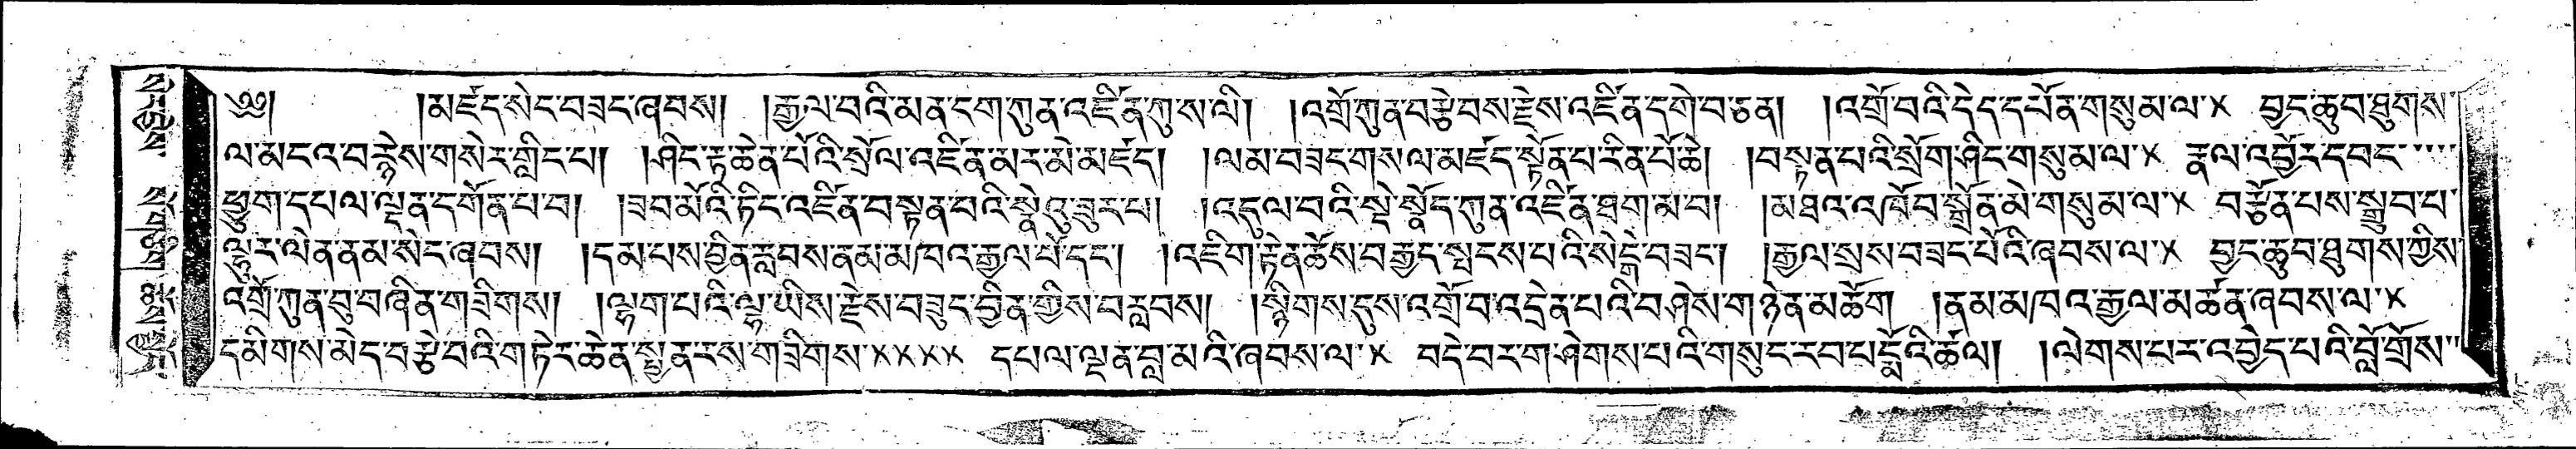༄༅། །མཛད་སེང་བཟང་ཞབས། །རྒྱལ་བའི་མན་ངག་ཀུན་འཛིན་ཀུ་ས་ལི། །འགྲོ་ཀུན་བརྩེ་བས་རྗེས་འཛིན་དགེ་བ་ཅན། །འགྲོ་བའི་དེད་དཔོན་གསུམ་ལ་{྾}་བྱང་ཆུབ་ཐུགས་
ལ་མངའ་བརྙེས་གསེར་གླིང་པ། །ཤིང་རྟ་ཆེན་པོའི་སྲོལ་འཛིན་མར་མེ་མཛད། །ལམ་བཟང་གསལ་མཛད་སྟོན་པ་རིན་པོ་ཆེ། །བསྟན་པའི་སྲོག་ཤིང་གསུམ་ལ་{྾}་རྣལ་འབྱོར་དབང་
ཕྱུག་དཔལ་ལྡན་དགོན་པ་བ། །ཟབ་མོའི་ཏིང་འཛིན་བསྟན་པའི་སྣེའུ་ཟུར་པ། །འདུལ་བའི་སྡེ་སྣོད་ཀུན་འཛིན་ཐག་མ་བ། །མཐའ་འཁོབ་སྒྲོན་མེ་གསུམ་ལ་{྾}་བརྩོན་པས་སྒྲུབ་པ་
ལྷུར་ལེན་ནམ་སེང་ཞབས། །དམ་པས་བྱིན་རླབས་ནམ་མཁའ་རྒྱལ་པོ་དང་། །འཇིག་རྟེན་ཆོས་བརྒྱད་སྤངས་པའི་སེངྒེ་བཟང་། །རྒྱལ་སྲས་བཟང་པོའི་ཞབས་ལ་{྾}་བྱང་ཆུབ་ཐུགས་ཀྱིས་
འགྲོ་ཀུན་བུ་བཞིན་གཟིགས། །ལྷག་པའི་ལྷ་ཡིས་རྗེས་བཟུང་བྱིན་གྱིས་བརླབས། །སྙིགས་དུས་འགྲོ་བ་འདྲེན་པའི་བཤེས་གཉེན་མཆོག །ནམ་མཁའ་རྒྱལ་མཚན་ཞབས་ལ་{྾}
དམིགས་མེད་བརྩེ་བའི་གཏེར་ཆེན་སྤྱན་རས་གཟིགས{྾་྾་྾་྾}་དཔལ་ལྡན་བླ་མའི་ཞབས་ལ་{྾}་བདེ་བར་གཤེགས་པའི་གསུང་རབ་པདམོའི་ཚལ། །ལེགས་པར་འབྱེད་པའི་བློ་གྲོས་